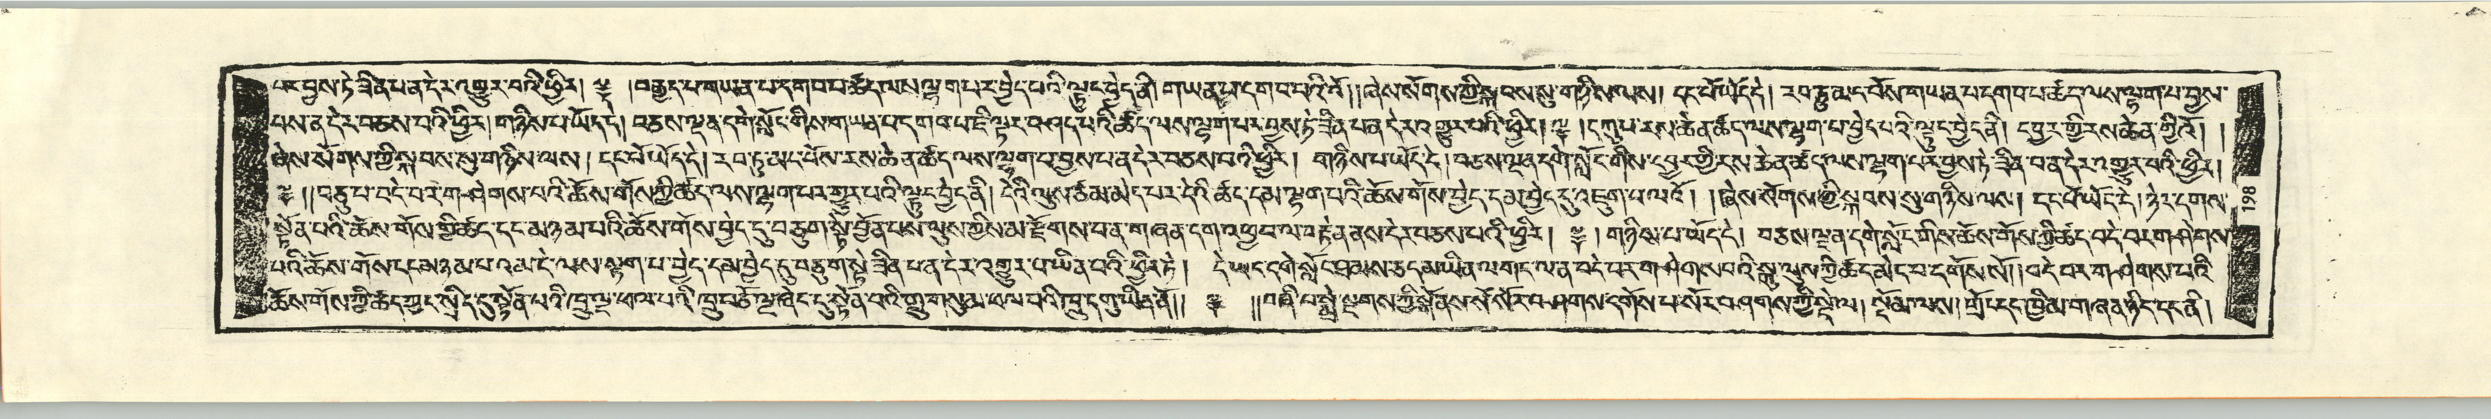པར་བྱས་ཏེ་ཟིན་པ་ན་དེར་འགྱུར་བའི་ཕྱིར། ༈ །བརྒྱད་པ་གཡན་པ་དགའ་བ་ཚད་ལས་ལྷག་པར་བྱེད་པའི་ལྟུང་བྱེད་ནི། གཡན་པ་དགའ་པའི་འོ། །ཞེས་སོགས་ཀྱི་སྐབས་སུ་གཉིས་ལས། དང་པོ་ཡོད་དེ། རབ་ཏུ་མང་པོས་གཡན་པ་དགབ་པ་ཚད་ལས་ལྷག་པ་བྱས་
པས་ན་དེར་བཅས་པའི་ཕྱིར། གཉིས་པ་ཡོད་དེ། བཅས་ལྡན་དགེ་སློང་གིས་གཡན་པ་དགབ་པ་ཇི་ལྟར་བཤད་པའི་ཚད་ལས་ལྷག་པར་བྱས་ཏེ་ཟིན་པ་ན་དེར་འགྱུར་པའི་ཕྱིར། ༈ །དཀུ་པ་རས་ཆེན་ཚད་ལས་ལྷག་པ་བྱེད་པའི་ལྟུང་བྱེད་ནི། དབྱར་གྱི་རས་ཆེན་གྱིའོ། །
ཞེས་སོགས་ཀྱི་སྐབས་སུ་གཉིས་ལས། དང་པོ་ཡོད་དེ། རབ་ཏུ་མང་པོས་རས་ཆེན་ཚད་ལས་ལྷག་པ་བྱས་པ་ན་དེར་བཅས་པའི་ཕྱིར། གཉིས་པ་ཡོད་དེ། བཅས་ལྡན་དགེ་སློང་གིས་དབྱར་གྱི་རས་ཆེན་ཚད་ལས་ལྷག་པར་བྱས་ཏེ་ཟིན་པ་ན་དེར་འགྱུར་པའི་ཕྱིར།
༈ ། །བཅུ་པ་བདེ་བར་གཤེགས་པའི་ཆོས་གོས་ཀྱི་ཚད་ལས་ལྷག་པར་གྱུར་པའི་ལྟུང་བྱེད་ནི། དེའི་ལུས་ཙམ་མེད་པར་དེའི་ཚད་དམ་ལྷག་པའི་ཆོས་གོས་བྱེད་དམ་བྱེད་དུ་འཇུག་པ་ལའོ། །ཞེས་སོགས་ཀྱི་སྐབས་སུ་གཉིས་ལས། དང་པོ་ཡོད་དེ། ཉེར་དགས་
སྟོན་པའི་ཆོས་གོས་ཀྱི་ཚད་དང་མཉམ་པའི་ཆོས་གོས་བྱེད་དུ་བཅུག་སྟེ་བྱོན་པས་ལུས་ཀྱིས་མ་རྫོགས་པ་ན་གཞན་དག་འཕྱ་བ་ལ་བརྟེན་ནས་དེར་བཅས་པའི་ཕྱིར། ༈ །གཉིས་པ་ཡོད་དེ། བཅས་ལྡན་དགེ་སློང་གིས་ཆོས་གོས་ཀྱི་ཚད་བདེ་བར་གཤེགས་
པའི་ཆོས་གོས་དང་མཉམ་པའམ་དེ་ལས་ལྷག་པ་བྱེད་དམ་བྱེད་དུ་བཅུག་སྟེ་ཟིན་པ་ན་དེར་འགྱུར་པ་ཡིན་པའི་ཕྱིར་ཏེ། དེ་ཡང་དགེ་སློང་ཐམས་ཅད་མ་ཡིན་ལ་གང་ལ་ན་བདེ་བར་གཤེགས་པའི་སྐུ་ལུས་ཀྱི་ཚད་མེད་པ་དགོས་སོ། །བདེ་བར་གཤེགས་པའི་
ཆོས་གོས་ཀྱི་ཚད་ཀྱང་སྲིད་དུ་སྟོན་པའི་ཁྲུ་ལྔ་ཕལ་པའི་ཁྲུ་བཅོ་ལྔ་ཞེང་དུ་སྟོན་པའི་གྲུ་གསུམ་ཕལ་བའི་ཁྲུ་དགུ་ཡིན་ནོ། ། ༈ ། །བཞི་པ་སྨྲེ་སྔགས་ཀྱི་སྒོ་ནས་སོ་སོར་བཤགས་དགོས་པ་སོར་བཤགས་ཀྱི་སྡེ་ལ། སྔོམ་ལས། གྲོང་དང་ཁྱིམ་གཞན་ཉིད་དང་ནི།